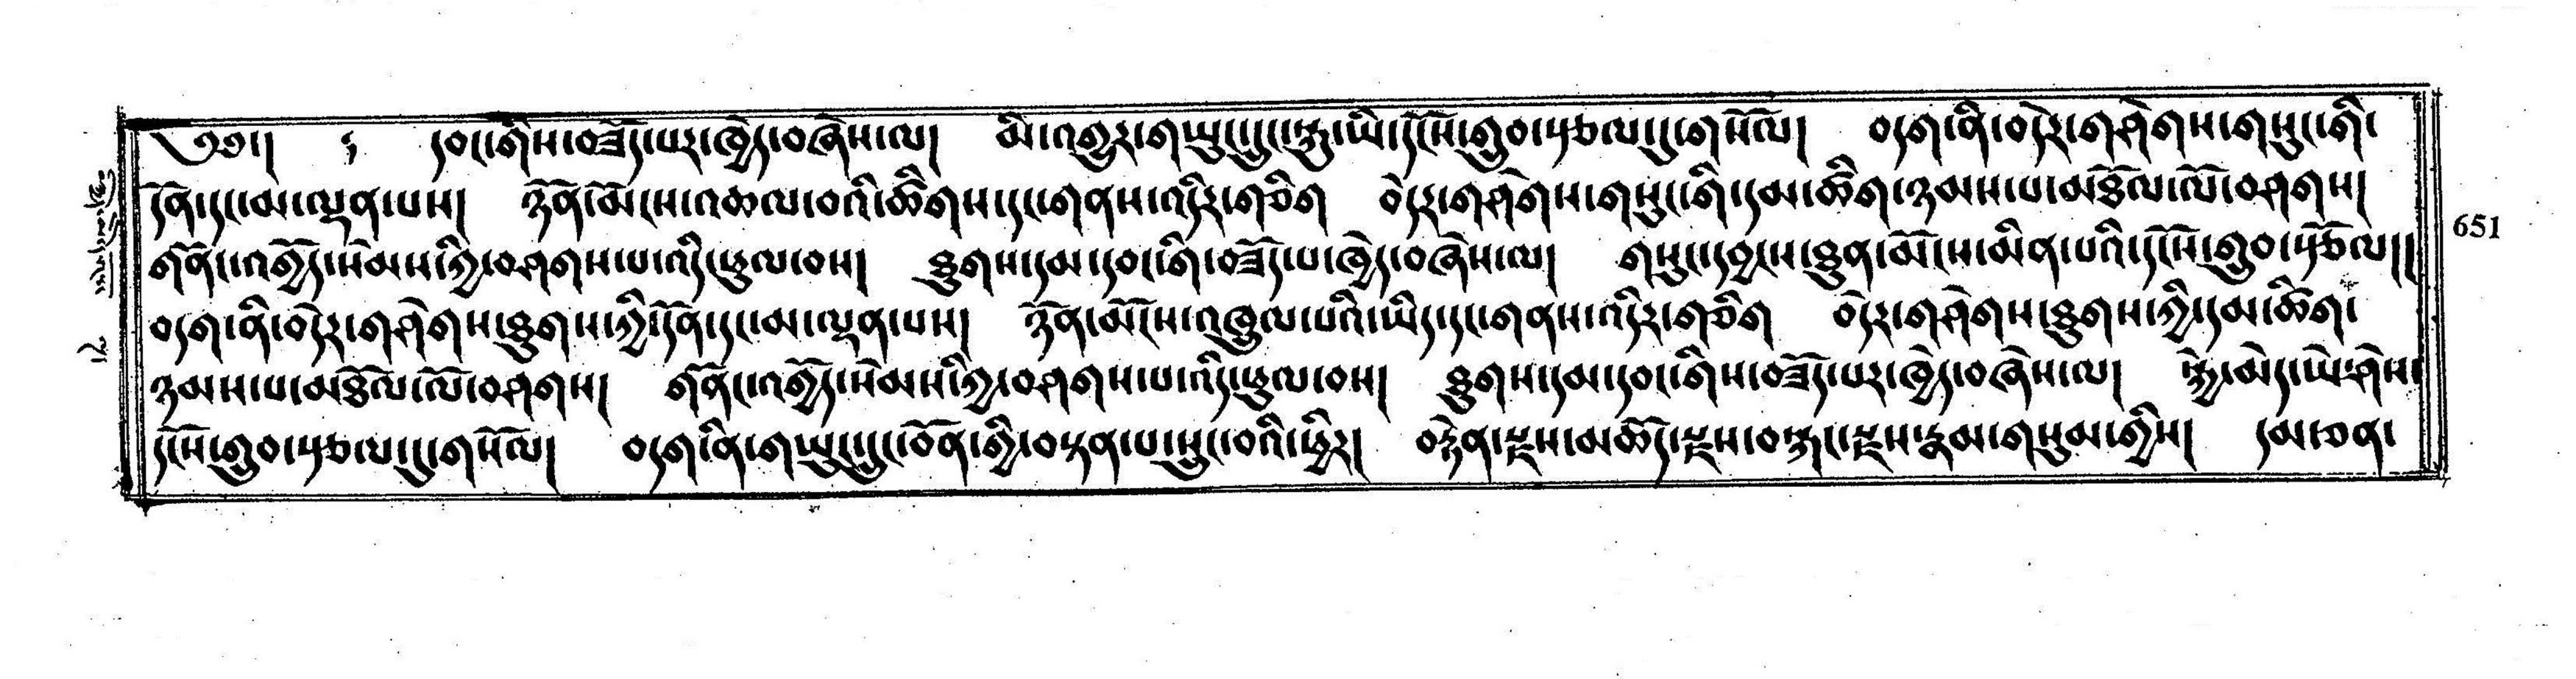དབང་གིས་བཟོད་པར་ཁྱེད་བཞེས་ལ། མི་འགྱུར་གཡུང་དྲུང་སྐུ་ཡི་དངོས་གྲུབ་སྩལ་དུ་གསོལ། བདག་ནི་བདེར་གཤེགས་གསུང་གི་
དོན་དང་མ་ལྡན་པས། ཉོན་མོངས་འཆལ་བའི་ཚིག་དང་གནས་འདིར་གཅིག བདེར་གཤེགས་གསུང་གི་དམ་ཚིག་ཉམས་པ་མཐོལ་ལོ་བཤགས། 
གནོང་འགྱོད་སེམས་ཀྱི་བཤགས་པ་འདི་ཕུལ་བས། ཐུགས་དམ་དབང་གི་བཟོད་པ་ཁྱེད་བཞེས་ལ། གསུང་དབྱངས་ཐུན་མོངས་མིན་པའི་དངོས་གྲུབ་སྩོལ།། 
བདག་ནི་བདེར་གཤེགས་ཐུགས་ཀྱི་དོན་དང་མ་ལྡན་པས། ཉོན་མོངས་འཁྲུལ་པའི་ཡིད་དང་གནས་འདིར་གཅིག བདེར་གཤེགས་ཐུགས་ཀྱི་དམ་ཚིག་
ཉམས་པ་མཐོལ་ལོ་བཤགས། གནོང་འགྱོད་སེམས་ཀྱི་བཤགས་པ་འདི་ཕུལ་བས། ཐུགས་དམ་དབང་གིས་བཟོད་པར་ཁྱེད་བཞེས་ལ། སྐྱེ་མེད་ཡེ་ཤེས་
དངོས་གྲུབ་སྩལ་དུ་གསོལ། བདག་ནི་གཡུང་དྲུང་བོན་གྱི་བསྟན་པ་སྲུང་བའི་ཕྱིར། བརྟེན་རྫས་མཆོད་རྫས་བསྐང་རྫས་རྣམ་གསུམ་གྱིས། དམ་ཅན་